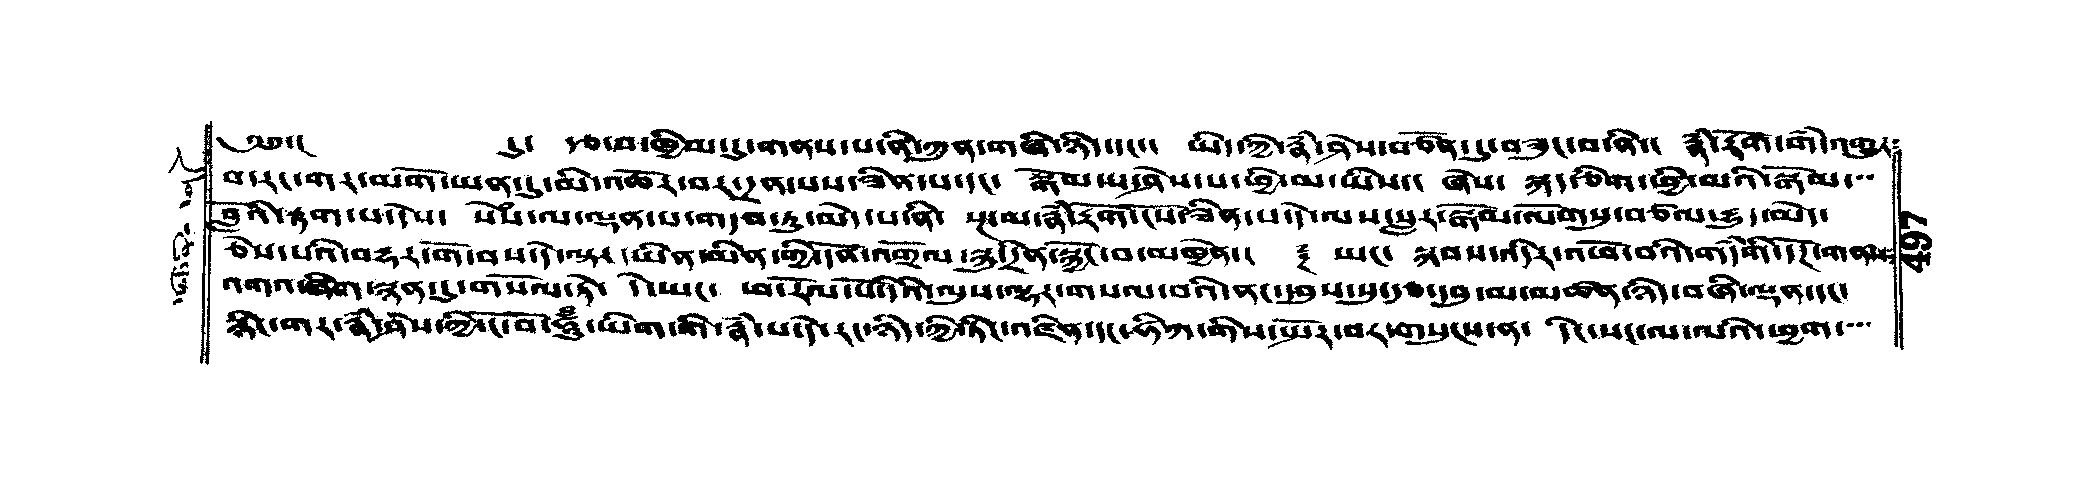དུ། རྩ་བ་ཁྱིམ་དུ་གནས་པ་ནི་ཀུན་གཞི་ཉིད་དང་། ཡིད་ཀྱི་རྣམ་ཤེས་བཙོན་དུ་བཟུང་བ་ནི།རྣམ་རྟོག་གམ་འགྱུར་
བ་རང་མགོ་ཡན་དུ་མི་འཆོར་བར་དྲན་པས་ཟིན་པ་དང་། སྒོམ་པ་ཤེས་པ་ཕྱི་མ་ཡིས། ཞེས་སྐད་ཅིག་ཕྱི་མའི་སྒོམ་
བློའི་རྟོག་པ་དེས། སེམས་ལ་ལྷན་པ་གདབ་ཏུ་མེད་པ་ནི། སྔ་མ་རྣམ་རྟོག་ངོས་ཟིན་པ་དེ་ལས་སླར་སྒོམ་ལོགས་སུ་བཙལ་རྒྱུ་མེད་
ཅེས་པའི་བརྡ་གོ་བས་དེ་ལྟར་ཡིན་མིན་གྱི་དོན་འགྲེལ་སྐུ་དྲིན་སྐྱོང་བ་མཁྱེན། ༈ ཡང་། སྐབས་འདིར་འཕོ་བའི་གདམས་ངག་གི་དོགས་གནས་
འགའ་ཞིག་སྙན་དུ་གསོལ་ཏེ། དེ་ཡང་། ཕ་རོལ་པོ་དེའི་ལུས་ལྷར་གསལ་བའི་ནང་དབུས་སུ་རྩ་དབུ་མ་མཚན་ཉིད་བཞི་ལྡན་དང་
སྙིང་གར་རྣམ་ཤེས་ཀྱི་ངོ་བོ་ཧཱུྃ་ཡིག་གི་རྣམ་པ་དེ་རང་ཉིད་ཀྱི་ཏིང་འཛིན་དང་ཧིཀ་གིས་སྤོར་བར་གསུངས་ན། དིང་སང་ལ་ལའི་ཕྱག་